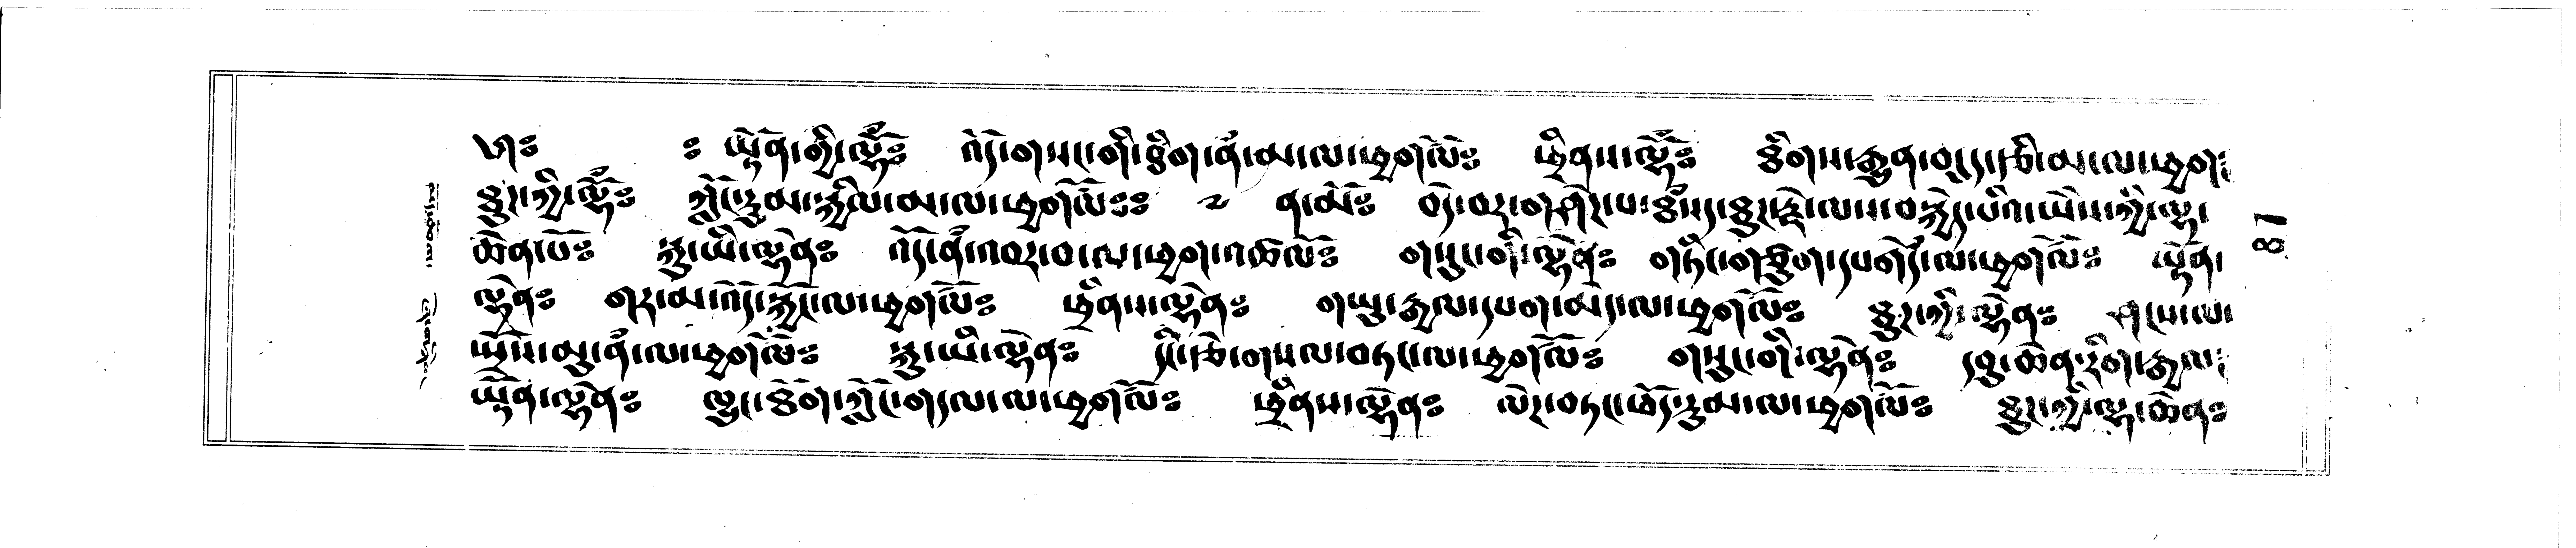ཡོན་ཏན་གྱི་ལྷ་མོཿ དོན་གསང་གི་ཐིག་ནམ་མ་ལ་ཕྱག་འཚལ་ལོཿ ཕྲིན་ལས་ཀྱི་ལྷ་མོཿ ཐིག་རྒྱུན་བདུད་རྩི་མ་ལ་ཕྱག་འཚལ་ལོཿ 
ཐུགས་ཀྱི་ལྷ་མོཿ ཀློང་རུམ་སྐྱིལ་མ་ལ་ཕྱག་འཚལ་ལོཿ ན་མོ་བདེ་བར་གཤེགས་པ་ཐམས་ཅད་ཀྱི་ཐུགས་རྗེ་ལས་བསྐྱེད་པའི་ཡེ་ཤེས་ཀྱི་ལྷ་ཆེན་པོཿ སྐུ་ཡི་ལྷ་
ཆེནཿ འོད་ནམ་འབར་བ་ལ་ཕྱག་འཚལ་ལོཿ གསུང་གི་ལྷ་ཆེནཿ གཏིང་གཙུག་དཔག་མེད་ལ་ཕྱག་འཚལ་ལོཿ ཡོན་ཏན་
གྱི་ལྷ་ཆེནཿ གར་མ་འོད་སྐྱོང་ལ་ཕྱག་འཚལ་ལོཿ ཕྲིན་ལས་ཀྱི་ལྷ་ཆེནཿ གཡུ་རྒྱལ་དཔག་མེད་ལ་ཕྱག་འཚལ་ལོཿ ཐུགས་ཀྱི་ལྷ་ཆེནཿ ཤངས་ལྷ་
སྤྲོས་མུ་ནམ་ལ་ཕྱག་འཚལ་ལོཿ སྐུ་ཡི་ལྷ་ཆེནཿ དིང་རྩེ་གསལ་ཏང་ལ་ཕྱག་འཚལ་ལོཿ གསུང་གི་ལྷ་ཆེནཿ དབུ་ཆེན་རིགས་རྒྱལ་ལ་ཕྱག་འཚལ་ལོཿ 
ཡོན་ཏན་གྱི་ལྷ་ཆེནཿ ཁྱུང་ཐོག་ཀློང་བདལ་ལ་ཕྱག་འཚལ་ལོཿ ཕྲིན་ལས་ཀྱི་ལྷ་ཆེནཿ ལེགས་བཏང་ཕོད་རུམ་ལ་ཕྱག་འཚལ་ལོཿ ཐུགས་ཀྱི་ལྷ་ཆེནཿ